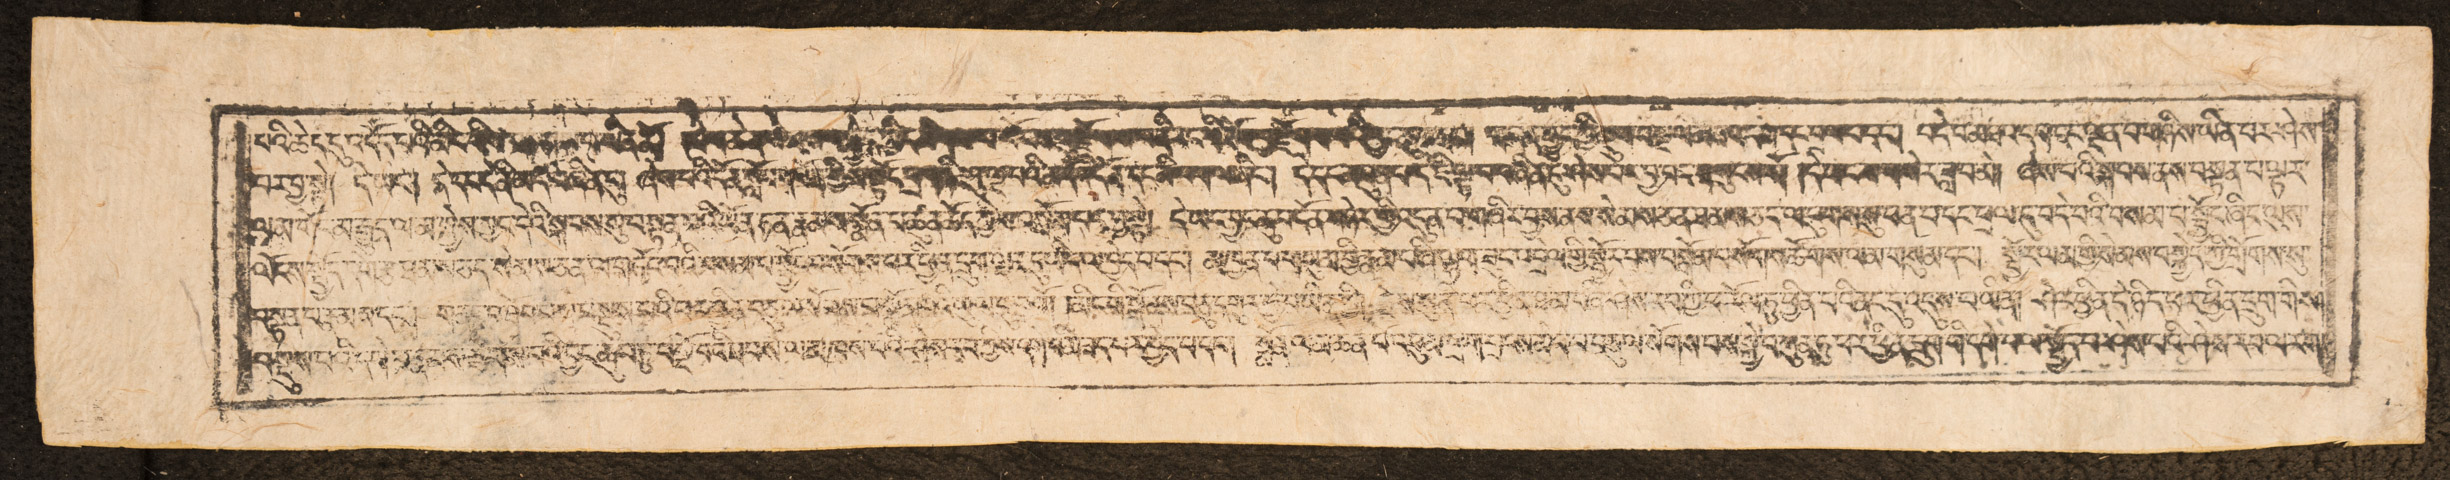པའི་ཆེད་དུ་འདོད་པའི་མིང་གིས་བཏགས་པ་ཡིན་ནོ། །ཐེག་ཆེན་སེམས་བསྐྱེད་ཀྱི་དམིགས་པ་ཡོངས་སུ་རྫོགས་པ་ནི་རང་གི་ཐོབ་བྱ་རྫོགས་པའི་བྱང་ཆུབ་དང་། གཞན་རྒྱུད་ཀྱི་སྡུག་བསྔལ་མཐའ་དག་དང་བྲལ་བ་དང་། བདེ་བ་མཐའ་དག་དང་ལྡན་པ་གཉིས་ཡིན་པར་ཤེས་
པར་བྱ་སྟེ། དེ་ཡང་། དེ་དང་དེ་ནི་མདོ་བཞིན་དུ། ཞེས་པའི་དོན་སློབ་དཔོན་གྱིས་སྟོང་ཕྲག་ཉི་ཤུ་ལྔ་པའི་མདོའི་དོན་དང་མི་འགལ་ཞིང་། དེ་དང་མཐུན་པ་དེ་ཇི་ལྟ་བ་བཞིན་དུ་ཤེས་པར་བྱ་བར་གསུངས་སོ། །དེ་ཡང་ས་གསེར་ཟླ་བ་མེ། ཞེས་པའི་སྐབས་ནས་བསྟན་པ་ལྟར་
ལམ་གོང་མ་རྒྱུད་ལ་མ་སྐྱེས་ཀྱང་དེའི་སྐབས་སུ་བསྟན་པའི་ཡོན་ཏན་རྣམས་སྨོན་པ་ཚུན་ཆོད་ཀྱིས་བསྒོམ་པར་བྱ་སྟེ། དེ་ཡང་བྱང་ཆུབ་དོན་གཉེར་གྱི་འདུན་པ་གཞིར་བྱས་ནས་སེམས་ཅན་ཐམས་ཅད་ལ་ཕུགས་སུ་ཕན་པ་དང་ཕྲལ་དུ་བདེ་བའི་བསམ་པ་སྦྱོང་ཞིང་ལུས་
ལོངས་སྤྱོད་དགེ་རྩ་ཐམས་ཅད་སེམས་ཅན་ལ་གཏོང་བའི་བསམ་པ་སྦྱོང་བ་སོགས་ཕར་ཕྱིན་དྲུག་ལྡན་དུ་ཡིད་ལ་བྱེད་པ་དང་། མཁྱེན་པ་གསུམ་གྱི་རྣམ་པ་ཞི་ལྷག་ཟུང་འབྲེལ་གྱི་སྦྱོར་བས་བསྒོམ་པ་སོགས་ཚོགས་ལམ་གསུམ་དང་། སྦྱོར་ལམ་གྱི་སེམས་བསྐྱེད་ཀྱི་གྲོགས་སུ་
བསྟན་པ་རྣམས་དང་། གནང་བ་ཐོབ་པས་བསྡུས་པའི་ཕར་ཕྱིན་བཅུ་ལ་སོགས་པ་སྨོན་པའི་ཡུལ་དུ་བྱའོ། །མིང་གི་སྒོ་ནས་བཅུ་དགུར་ཕྱེ་བ་ཡིན་གྱི། རྗེས་སུ་ནི་ཕར་ཕྱིན་ཐམ་བཞི་ཤེས་རབ་ཀྱི་ཕ་རོལ་ཏུ་ཕྱིན་པའི་ནང་དུ་འདུས་པ་ཡིན། ཤེར་ཕྱིན་དེ་ཉིད་ཕར་ཕྱིན་དྲུག་གིས་
བསྡུས་པའི་དགེ་བ་རྣམས་རྫོགས་པའི་བྱང་ཆུབ་ཏུ་བསྔོ་བའི་ཐབས་ལ་མཁས་པའི་ཤེས་རབ་ཀྱིས་དགེ་བ་མི་ཟད་པར་བྱེད་པ་དང་། སྨོན་ལམ་ཆེན་པོ་འབུམ་ཕྲག་གྲངས་མེད་པ་བཅུ་ལ་སོགས་པས་སྐྱེ་བ་ཀུན་ཏུ་ཕར་ཕྱིན་དྲུག་གི་དགེ་བ་ལ་སྤྱོད་པ་ཤེས་པའི་ཤེས་པའི་ཤེས་རབ་ལ་རག་?